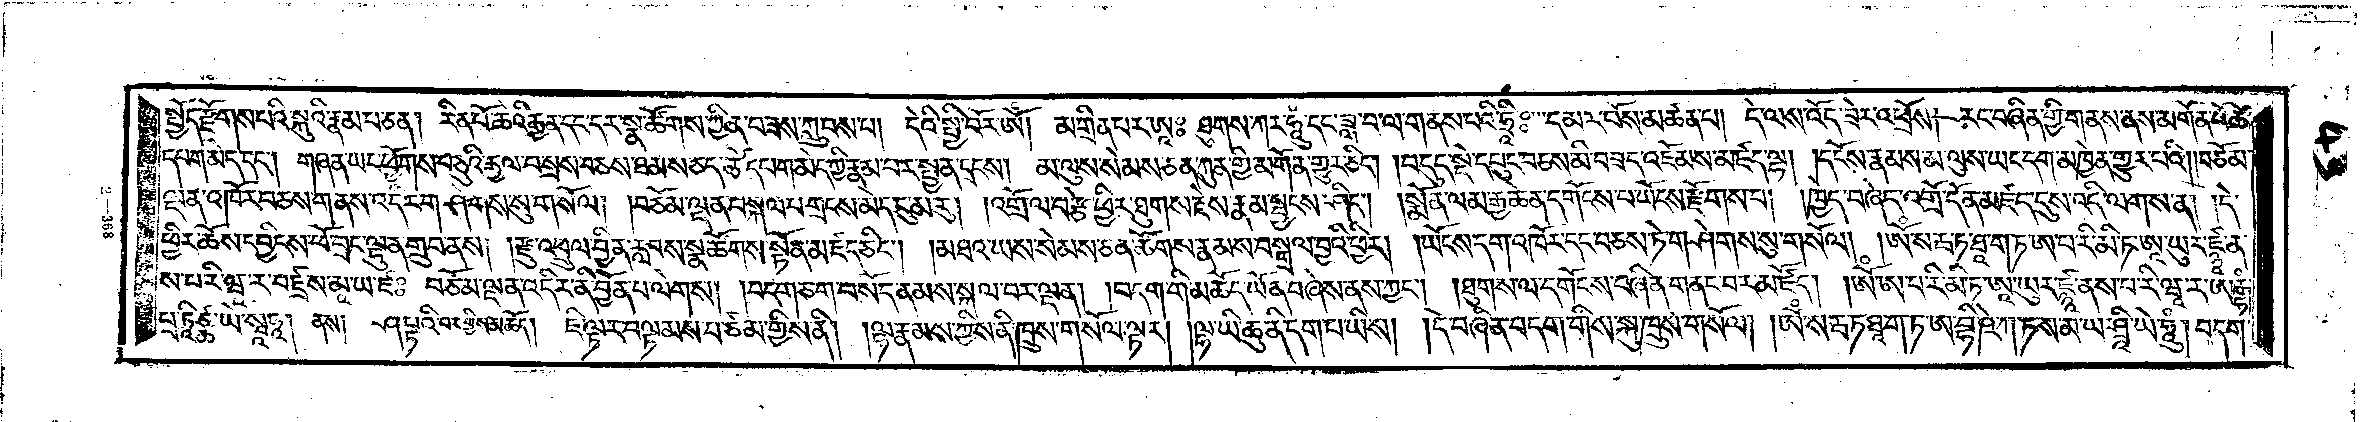སྤྱོད་རྫོགས་པའི་སྐུའི་རྣམ་པ་ཅན། རིན་པོ་ཆེའི་རྒྱན་དང་དར་སྣ་ཚོགས་ཀྱིན་བཟས་ཀླུབས་པ། དེའི་སྤྱི་བོར་ཨོཾ། མགྲིན་པར་ཨཱཿཐུགས་ཀར་ཧུའཾ་དང་ཟླ་བ་ལ་གནས་པའི་ཧྲཱིཿདམར་པོས་མཚན་པ། དེ་ལས་འོད་ཟེར་འཕྲོས། རང་བཞིན་གྱི་གནས་ནས་མགོན་པོ་ཚེ་
དཔག་མེད་དང་། གཞན་ཡང་ཕྱོགས་བཅུའི་རྒྱལ་བསྲས་བཅས་ཐམས་ཅད་ཚེ་དཔག་མེད་ཀྱི་རྣམ་པར་སྤྱན་དྲངས། མ་ལུས་སེམས་ཅན་ཀུན་གྱི་མགོན་གྱུར་ཅིང་། །བདུད་སྡེ་དཔུང་བཅས་མི་བཟད་འཇོམས་མཛད་ལྷ། །དངོས་རྣམས་མ་ལུས་ཡང་དག་མཁྱེན་གྱུར་པའི། །བཅོམ་
ལྡན་འཁོར་བཅས་གནས་འདིར་གཤེགས་སུ་གསོལ། །བཅོམ་ལྡན་བསྐལ་པ་གྲངས་མེད་དུ་མ་རུ། །འགྲོལ་བརྩེ་ཕྱིར་ཐུགས་རྗེས་རྣམ་སྦྱངས་ཤིང་། །སྨོན་ལམ་རྒྱ་ཆེན་དགོངས་པ་ཡོངས་རྫོགས་པ། །ཁྱེད་བཞིང་འགྲོ་དོན་མཛད་དུས་འདི་ལགས་ན། །དེ་
ཕྱིར་ཆོས་དབྱིངས་ཕོ་བྲང་ལྷུན་གྲུབ་ནས། །རྫུ་འཕྲུལ་བྱིན་རླབས་སྣ་ཚོགས་སྟོན་མཛད་ཅིང་། །མཐའ་ཡས་སེམས་ཅན་ཚོགས་རྣམས་བསྒྲལ་བྱའི་ཕྱིར། །ཡོངས་དག་འཁོར་དང་བཅས་ཏེ་གཤེགས་སུ་གསོལ། །ཨོཾ་སརྦ་ཏ་ཐཱ་ག་ཏ་ཨ་པ་རི་མི་ཏ་ཨཱ་ཡུར་ཛྙཱ་ན་
ས་པ་རི་ཝཱ་ར་བཛྲས་མཱ་ཡ་ཛཿབཅོམ་ལྡན་འདིར་ནི་བྱོན་པ་ལེགས། །བདག་ཅག་བསོད་ནམས་སྐལ་བར་ལྡན། །བདག་གི་མཆོད་ཡོན་བཞེས་ནས་ཀྱང་། །ཐུགས་ལ་དགོངས་བཞིན་གནང་བར་མཛོད། །ཨོཾ་ཨ་པ་རི་མི་ཏ་ཨཱ་ཡུར་ཛྙཱ་ནས་པ་རི་ཝཱ་ར་ཨརྒྷཾ་
པྲ་ཏཱིཙྪ་ཡེ་སྭཱཧཱ། ནས། ཤཔྟའི་བར་ཕྱིས་མཆོད།  ཇི་ལྟར་བལྟམས་པ་ཙམ་གྱིས་ནི། །ལྷ་རྣམས་ཀྱིས་ནི་ཁྲུས་གསོལ་ལྟར། །ལྷ་ཡི་ཆུ་ནི་དག་པ་ཡིས། །དེ་བཞིན་བདག་གིས་སྐུ་ཁྲུས་གསོལ། །ཨོཾ་སརྦ་ཏ་ཐཱ་ག་ཏ་ཨ་བྷི་ཥེ་ཀ་ཏ་ས་མ་ཡ་ཤྲཱི་ཡེ་ཧཱུཾ། བདག་